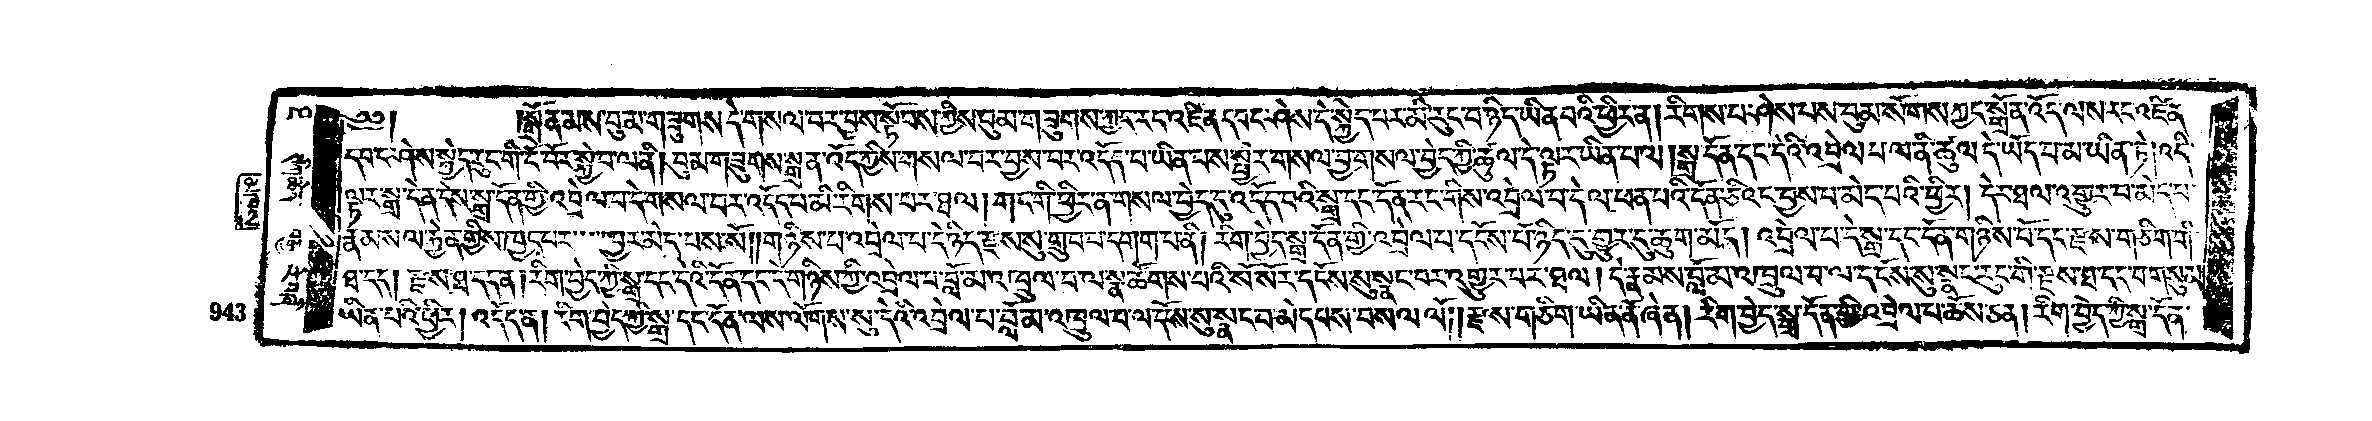༄༅། །སྒྲོན་མས་བུམ་གཟུགས་དེ་གསལ་བར་བྱས་སྟོབས་ཀྱིས་བུམ་གཟུགས་ཀྱང་རང་འཛིན་དབང་ཤེས་དེ་སྐྱེད་པར་མི་རུང་བ་ཉིད་ཡིན་པའི་ཕྱིར་ན། རིགས་པ་ཤེས་པས་བུམ་སོགས་ཀྱང་སྒྲོན་འོད་ལས་རང་འཛིན་
དབང་ཤེས་སྐྱེད་རུང་གི་ངོ་བོར་སྐྱེ་བ་ལ་ནི། བུམ་གཟུགས་སྒྲོན་འོད་ཀྱིས་གསལ་བར་བྱས་པར་འདོད་པ་ཡིན་པས་སྤྱིར་གསལ་བྱ་གསལ་བྱེད་ཀྱི་ཚུལ་དེ་ལྟར་ཡིན་པ་ལ། སྒྲ་དོན་དང་དེའི་འབྲེལ་པ་ལ་ནི་ཚུལ་དེ་ཡོད་པ་མ་ཡིན་ཏེ། འདི་
ལྟར་སྒྲ་དོན་དེས་སྒྲ་དོན་གྱི་འབྲེལ་བ་དེ་གསལ་བར་འདོད་པ་མི་རིགས་པར་ཐལ། གང་གི་ཕྱིར་ན་གསལ་བྱེད་དུ་འདོད་པའི་སྒྲ་དང་དོན་རང་གིས་འབྲེལ་བ་དེ་ལ་ཕན་པའི་དོན་ཅིའང་བྱས་པ་མེད་པའི་ཕྱིར། དེར་ཐལ་འགྱུར་བ་མེད་པ་
རྣམས་ལ་རྐྱེན་གྱིས་ཁྱད་པར་བྱར་མེད་པས་སོ། །གཉིས་པ་འབྲེལ་བ་དེ་ཉིད་རྫས་སུ་གྲུབ་པ་དགག་པ་ནི། རིག་བྱེད་སྒྲ་དོན་གྱི་འབྲེལ་བ་དངོས་པོ་ཉིད་དུ་གྱུར་དུ་ཆུག་མོད། འབྲེལ་བ་དེ་སྒྲ་དང་དོན་གཉིས་པོ་དང་རྫས་གཅིག་གི་
ཐ་དད། རྫས་ཐ་དད་ན། རིག་བྱེད་ཀྱི་སྒྲ་དང་དེའི་དོན་དང་དེ་གཉིས་ཀྱི་འབྲེལ་བ་བློ་མ་འཁྲུལ་པ་ལ་སྣ་ཚོགས་པའི་སོ་སོར་དངོས་སུ་སྣང་བར་འགྱུར་པར་ཐལ། དེ་རྣམས་བློ་མ་འཁྲུལ་བ་ལ་དངོས་སུ་སྣང་རུང་གི་རྫས་ཐ་དད་པ་གསུམ་
ཡིན་པའི་ཕྱིར། འདོད་ན། རིག་བྱེད་ཀྱི་སྒྲ་དང་དོན་ལས་ལོགས་སུ་དེའི་འབྲེལ་བ་བློ་མ་འཁྲུལ་པ་ལ་དངོས་སུ་སྣང་བ་མེད་པས་བསལ་ལོ། །རྫས་གཅིག་ཡིན་ནོ་ཞེ་ན། རིག་བྱེད་སྒྲ་དོན་གྱི་འབྲེལ་པ་ཆོས་ཅན། རིག་བྱེད་ཀྱི་སྒྲ་དོན་